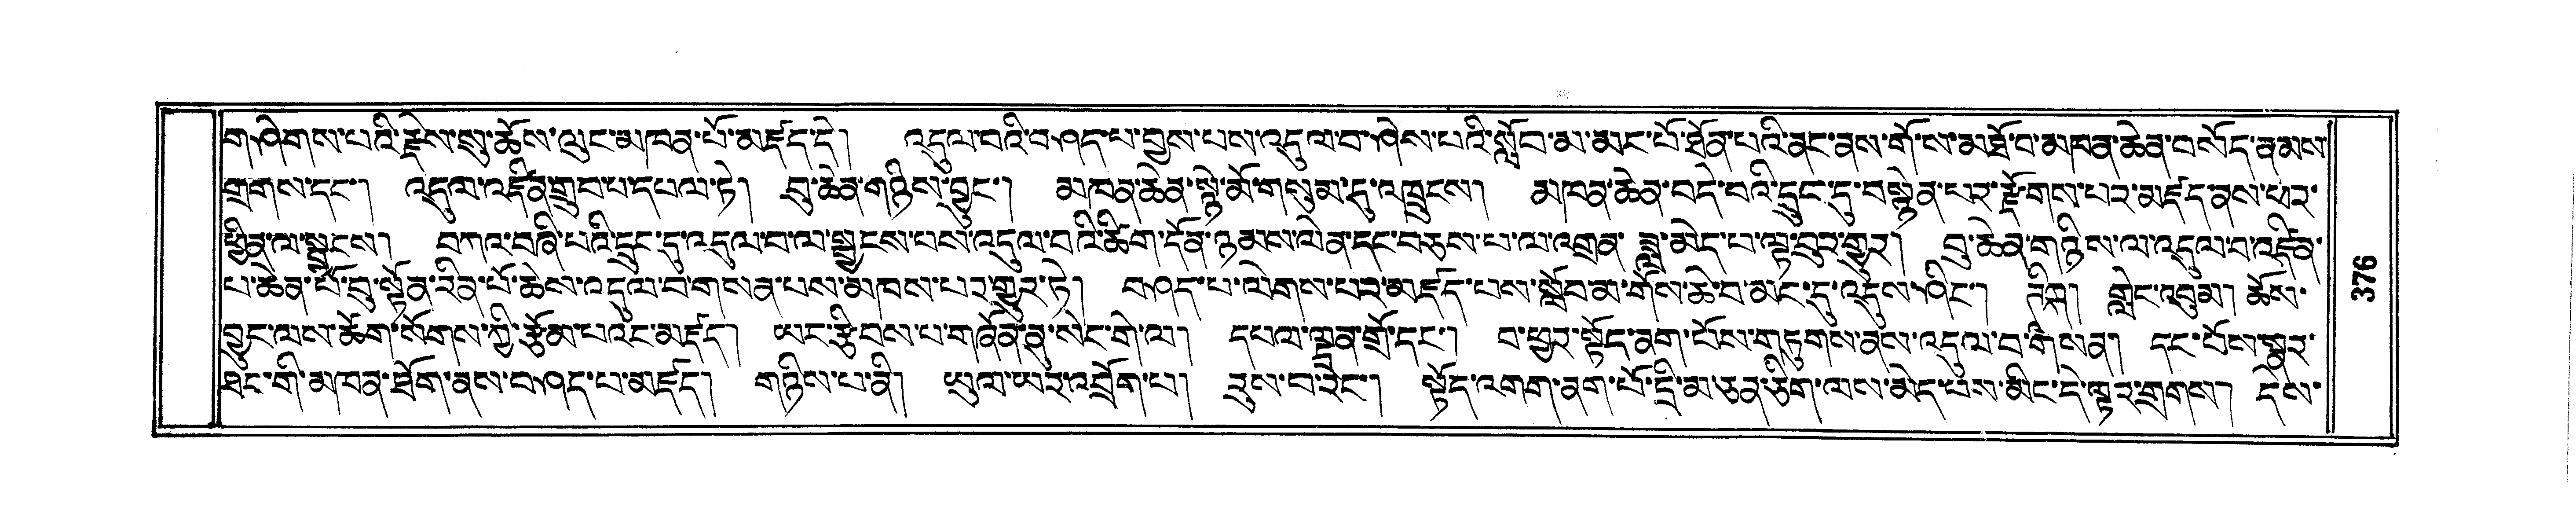གཤེགས་པའི་རྗེས་སུ་ཆོས་ལུང་མཁན་པོ་མཛད་དེ། འདུལ་བའི་བཤད་པ་བྱས་པས་འདུལ་བ་ཤེས་པའི་སློབ་མ་མང་པོ་ཐོན་པའི་ནང་ནས་གོ་ས་མཐོ་བ་མཁན་ཆེན་བསོད་ནམས་
གྲགས་དང་། འདུལ་འཛིན་གྲུབ་པ་དཔལ་ཏེ། བུ་ཆེན་གཉིས་བྱུང་། མཁན་ཆེན་སྙེ་མོ་གསུམ་དུ་འཁྲུངས། མཁན་ཆེན་བདེ་བའི་དྲུང་དུ་བསྙེན་པར་རྫོགས་པར་མཛད་ནས་ཕར་
ཕྱིན་ལ་སྦྱངས། བཀའ་བཞི་པའི་དྲུང་དུ་འདུལ་བ་ལ་སྦྱངས་པས་འདུལ་བའི་ཚིག་དོན་ཉམས་ལེན་དང་བཅས་པ་ལ་འགྲན་ཟླ་མེད་པ་ལྟ་བུར་གྱུར། བུ་ཆེན་གཉིས་ལ་འདུལ་བ་འཛིན་
པ་ཆེན་པོ་བུ་སྟོན་རིན་པོ་ཆེས་འདུལ་བ་གསན་པས་མཁས་པར་གྱུར་ཏེ། བཤད་པ་ལེགས་པར་མཛད་པས་སློབ་མ་གོས་ཆེ་བ་མང་དུ་འདུས་ཤིང་། ཊིཀྐ། གླེང་འབུམ། ཆོས་
བྱུང་ལས་ཆོག་སོགས་ཀྱི་རྩོམ་པའང་མཛད། ཡང་རྩིབས་པ་གཞོན་ནུ་སེངྒེ་ལ། དཔལ་ལྡན་གྲོ་དང་། བ་ཕྱར་སྟོད་ནག་པོས་གཏུགས་ནས་འདུལ་བ་གསན། དང་པོས་སྣར་
ཐང་གི་མཁན་ཐོག་ནས་བཤད་པ་མཛད། གཉིས་པ་ནི། ཡུལ་ཡར་འབྲོག་པ། རུས་བ་རེང་། སྟོད་འགག་ནག་པོ་དྲི་མ་ཅན་ཅིག་ལས་མེད་པས་མིང་དེ་ལྟར་གྲགས། དེས་